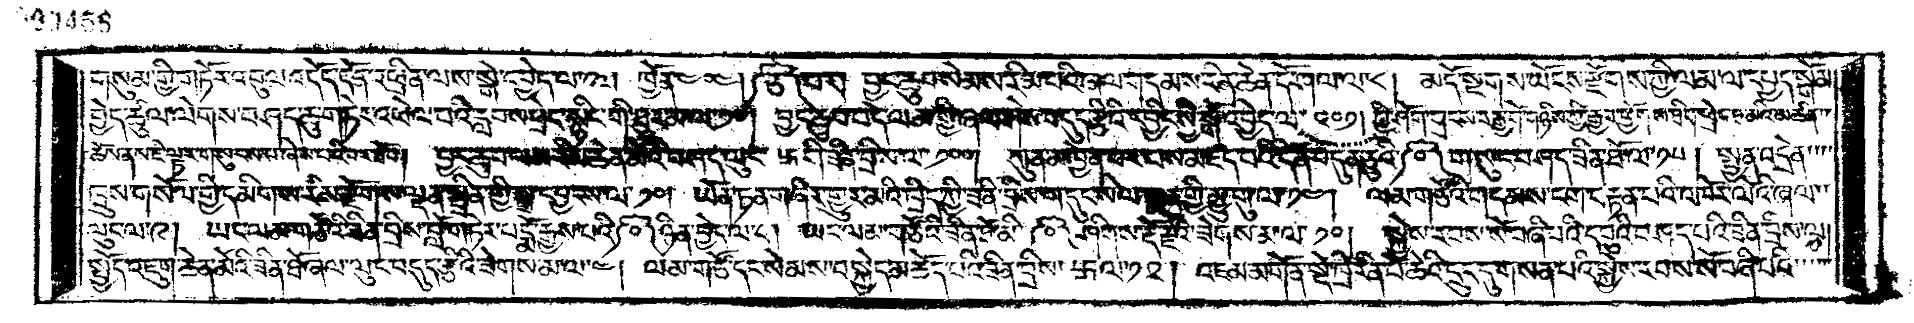གསུམ་གྱི་གཏོར་འབུལ་འདོད་དོན་འཕྲིན་ལས་སྒེ་འབྱེད་ལ ༣། ཁྱོན ༤༠༤། ༼ཅ༽ པར། བྱང་ཆུབ་སེམས་རིམ་པའི་ཞལ་གདམས་རིན་ཆེན་དོར་ཤལ་ལ ༨། མདོ་སྔགས་ཡོངས་རྫོགས་ཀྱི་ལམ་ལ་དཔྱད་སྒོམ་
བྱེད་ཚུལ་ལེགས་བཤད་ཆུ་གཏེར་འཕེལ་བའི་རླབས་ཕྲེང་སྙིང་གི་ཐུར་མ་ལ ༡༠། བྱང་ཆུབ་བདེ་ལམ་གྱི་ཞལ་ཤེས་བདུད་རྩིའི་དབྱིང་སྱི་སྒོ་འབྱེད་ལ་གྱི་ཤོག་གྲངས་བརྒྱ་གོ་གཉིས་ཀྱི་རྒྱབ་ཕྱོགས་ཐིང་། ཕྲེང་ཐ་མའི་མཚན་
ཆོས་ནས་ཇི་ལྟར་གསུངས་པ་ཞེས་པའི་བར་ཐོབ། བྱང་ཆུབ་ལམ་རིམ་ཆེན་མོའི་བཤད་ལུང་གི་ཟིན་བྲིས་ལ ༡༠༠། ཀུན་མཁྱེན་པར་བས་མཛད་པའི་དོན་བདུན་ཅུའི ༼྾༽ གསུང་བཤད་ཟིན་ཐོ་ལ ༡༥། སྤྱན་འདྲེན་
ཁྲུས་གསོལ་གྱི་དམིགས་རིམ་རྫོགས་ལྡན་སྤྲིན་གྱི་སྒྲ་དབྱངས་ལ ༡༠། ཡོན་ཏན་གཞིར་གྱུར་མའི་ཁྲིད་ཀྱི་ཟིན་བྲིས་གདུང་སེལ་སྨན་གྱི་མྱུ་གུ་ལ ༡༤། ལམ་གཙོའི་གདམས་ངག་བརྟན་པའི་འཁོར་ལོའི་ཞལ་
ལུང་ལ ༩། ཡང་ལམ་གཙོའི་ཟིན་བྲིས་བློ་གཏེར་པདམོ་རྒྱས་པའི ༼྾༽ ཉིན་བྱེད་ལ ༨། ཡང་ལམ་གཙོའི་ཟིན་ཐོ་མི ༼྾༽ ཤིགས་རྡོ་རྗེའི་ཟེགས་མ་ལ ༡༠། སྐྱེས་རབས་སོ་བཞི་པའི་དབུའི་བཤད་པའི་ཟིན་བྲིས་ལ ༧།
སྤྱོད་འཇུག་ཆེན་མོའི་ཟིན་ཐོ་ཞལ་ལུང་བདུད་རྩིའི་ཟེགས་མ་ལ ༤། ལམ་གཙོ་དང་སེམས་བསྐྱེད་མཆོད་པའི་ཟིན་བྲིས་ལ ༡༢། འཇམ་མགོན་སྡེ་ཁྲི་རིན་པོ་ཆེའི་དྲུང་དུ་གསན་པའི་སྐྱེས་རབས་སོ་བཞི་པའི་